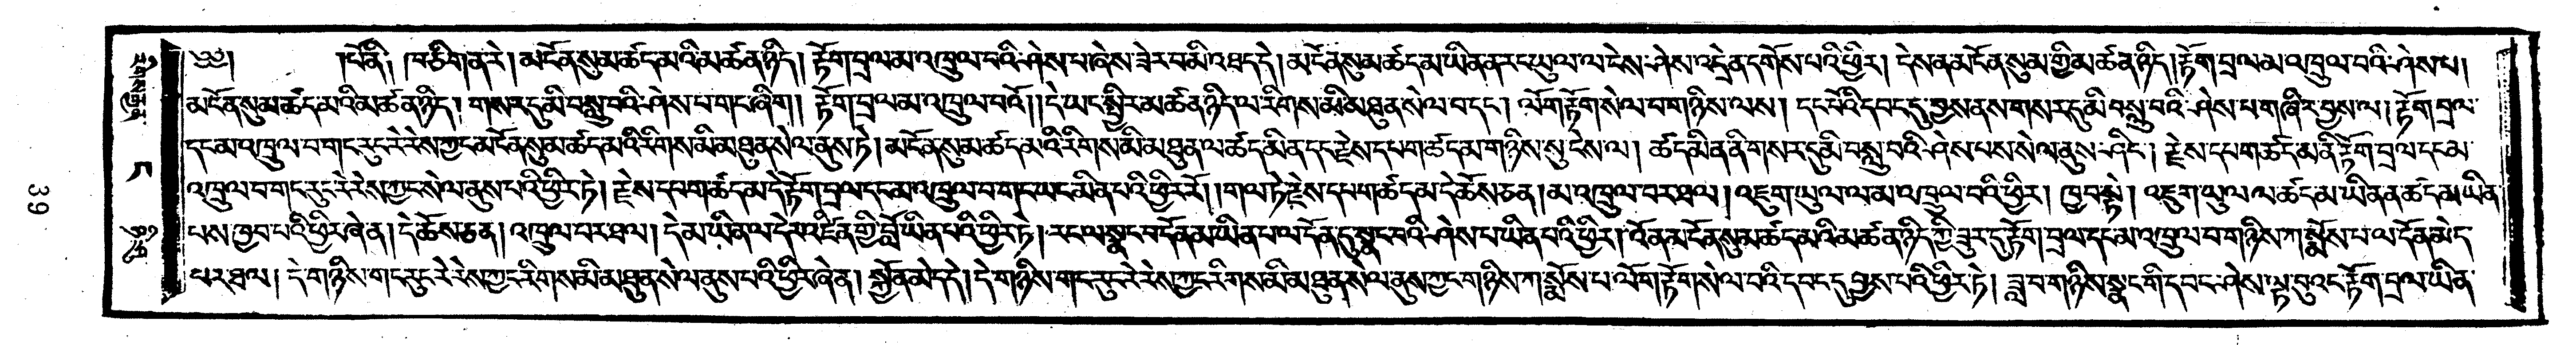༄༅། །པོ་ནི༑ ཁ་ཅིག་ན་རེ། མངོན་སུམ་ཚད་མའི་མཚན་ཉིད། རྟོག་བྲལ་མ་འཁྲུལ་པའི་ཤེས་པ་ཞེས་ཟེར་བ་མི་འཐད་དེ། མངོན་སུམ་ཚད་མ་ཡིན་ན་རང་ཡུལ་ལ་ངེས་ཤེས་འདྲེན་དགོས་པའི་ཕྱིར། དེས་ན་མངོན་སུམ་གྱི་མཚན་ཉིད། རྟོག་བྲལ་མ་འཁྲུལ་བའི་ཤེས་པ།
མངོན་སུམ་ཚད་མའི་མཚན་ཉིད། གསར་དུ་མི་བསླུ་བའི་ཤེས་པ་གང་ཞིག །རྟོག་བྲལ་མ་འཁྲུལ་བའོ། །དེ་ཡང་སྤྱིར་མཚན་ཉིད་ལ་རིགས་མི་མཐུན་སེལ་བ་དང་། ལོག་རྟོག་སེལ་བ་གཉིས་ལས། དང་པོའི་དབང་དུ་བྱས་ནས་གསར་དུ་མི་བསླུ་བའི་ཤེས་པ་གཞིར་བྱས་ལ། རྟོག་བྲལ་
དང་མ་འཁྲུལ་བ་གང་རུང་རེ་རེས་ཀྱང་མངོན་སུམ་ཚད་མའི་རིགས་མི་མཐུན་སེལ་ནུས་ཏེ། མངོན་སུམ་ཚད་མའི་རིགས་མི་མཐུན་ལ་ཚད་མིན་དང་རྗེས་དཔག་ཚད་མ་གཉིས་སུ་ངེས་ལ། ཚད་མིན་ནི་གསར་དུ་མི་བསླུ་བའི་ཤེས་པས་སེལ་ནུས་ཤིང་། རྗེས་དཔག་ཚད་མ་ནི་རྟོག་བྲལ་དང་མ་
འཁྲུལ་བ་གང་རུང་རེ་རེས་ཀྱང་སེལ་ནུས་པའི་ཕྱིར་ཏེ། རྗེས་དཔག་ཚད་མ་དེ་རྟོག་བྲལ་དང་མ་འཁྲུལ་བ་གང་ཡང་མིན་པའི་ཕྱིར་རོ། །གལ་ཏེ་རྗེས་དཔག་ཚད་མ་དེ་ཆོས་ཅན། མ་འཁྲུལ་བར་ཐལ། འཇུག་ཡུལ་ལ་མ་འཁྲུལ་བའི་ཕྱིར། ཁྱབ་སྟེ། འཇུག་ཡུལ་ལ་ཚད་མ་ཡིན་ན་ཚད་མ་ཡིན་
པས་ཁྱབ་པའི་ཕྱིར་ཞེ་ན། དེ་ཆོས་ཅན། འཁྲུལ་པར་ཐལ། དེ་མ་ཡིན་ལ་དེར་འཛིན་གྱི་བློ་ཡིན་པའི་ཕྱིར་ཏེ། རང་ལ་སྣང་བ་དོན་མ་ཡིན་པ་ལ་དོན་དུ་སྣང་བའི་ཤེས་པ་ཡིན་པའི་ཕྱིར། འོ་ན་མངོན་སུམ་ཚད་མའི་མཚན་ཉིད་ཀྱི་ཟུར་དུ་རྟོག་བྲལ་དང་མ་འཁྲུལ་བ་གཉིས་ཀ་སྨོས་པ་ལ་དོན་མེད་
པར་ཐལ། དེ་གཉིས་གང་རུང་རེ་རེས་ཀྱང་རིགས་མི་མཐུན་སེལ་ནུས་པའི་ཕྱིར་ཞེ་ན། སྐྱོན་མེད་དེ། དེ་གཉིས་གང་རུང་རེ་རེས་ཀྱང་རིགས་མི་མཐུན་སེལ་ནུས་ཀྱང་གཉིས་ཀ་སྨོས་པ་ལོག་རྟོག་སེལ་བའི་དབང་དུ་བྱས་པའི་ཕྱིར་ཏེ། ཟླ་བ་གཉིས་སྣང་གི་དབང་ཤེས་ལྟ་བུའང་རྟོག་བྲལ་ཡིན་